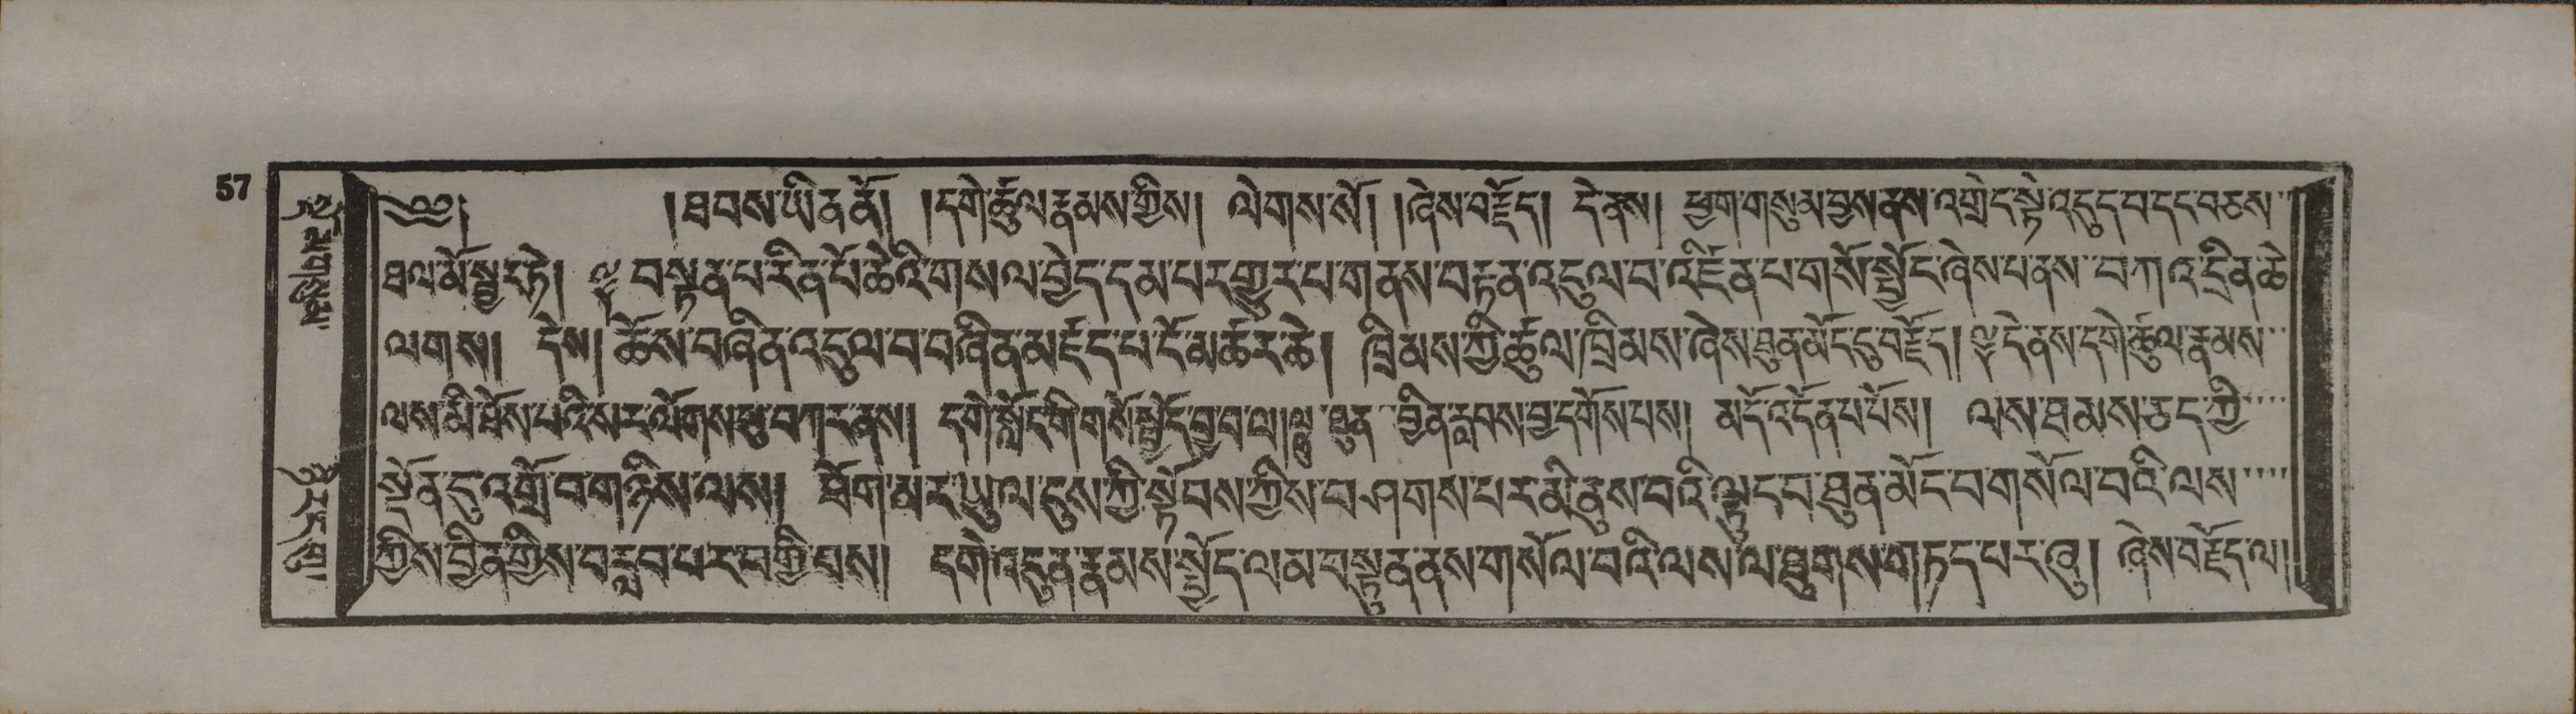༄༅། །ཐབས་ཡིན་ནོ། །དགེ་ཚུལ་རྣམས་གྱིས།  ལེགས་སོ། །ཞེས་བརྗོད། དེ་ནས། ཕྱག་གསུམ་བྱས་ནས་འགྲེད་སྟེ་འདུད་པ་དང་བཅས་
ཐལ་མོ་སྦྱར་ཏེ། ༈ བསྟན་པ་རིན་པོ་ཆེའི་གསལ་བྱེད་དམ་པར་གྱུར་པ་གནས་བརྟན་འདུལ་བ་འཛིན་པ་གསོ་སྦྱོང་ཞེས་པ་ནས་བཀའ་དྲིན་ཆེ་
ལགས། དེས།  ཆོས་བཞིན་འདུལ་བ་བཞིན་མཛད་པ་ངོ་མཚར་ཆེ། ཁྲིམས་ཀྱི་ཚུལ་ཁྲིམས་ཞེས་ཐུན་མོང་དུ་བརྗོད། ༈ དེ་ནས་དགེ་ཚུལ་རྣམས་
ལས་མི་ཐོས་པའི་སར་ལོགས་སུ་བཀར་ནས། དགེ་སློང་གི་གསོ་སྦྱོང་བྱ་བ་ལ། ལྷུ་ཐུན་དབྱིན་རླབས་བྱ་དགོས་པས། མདོ་འདོན་པ་པོས། ལས་ཐམས་ཅད་ཀྱི་
སྔོན་དུ་འགྲོ་བ་གཉིས་ལས། ཐོག་མར་ཡུལ་དུས་ཀྱི་སྟོབས་ཀྱིས་བཤགས་པར་མི་ནུས་པའི་ལྟུང་བ་ཐུན་མོང་བ་གསོལ་བའི་ལས་
ཀྱིས་བྱིན་གྱིས་བརླབ་པར་བགྱི་བས། དགེ་འདུན་རྣམས་སྤྱོད་ལམ་བསྟུན་ནས་གསོལ་བའི་ལས་ལ་ཐུགས་གཏད་པར་ཞུ། ཞེས་བརྗོད་ལ།